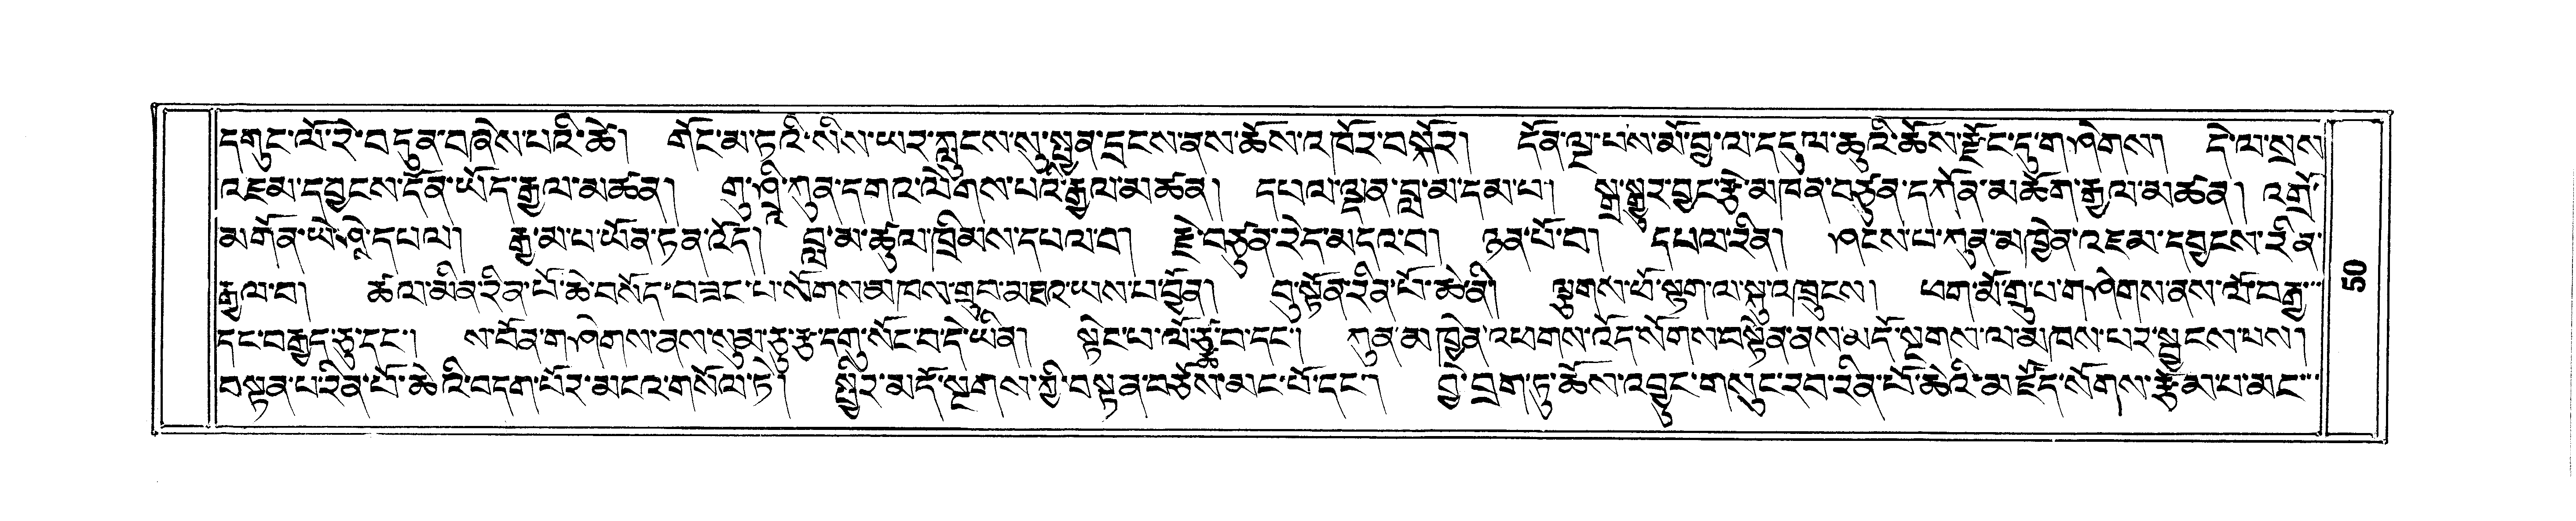དགུང་ལོ་རེ་བདུན་བཞེས་པའི་ཚེ། གོང་མ་ཏའི་སིས་ཡར་ཀླུངས་སུ་སྤྱན་དྲངས་ནས་ཆོས་འཁོར་བསྐོར། དོན་ལྔ་པས་མོ་བྱ་ལ་དངུལ་ཆུའི་ཆོས་རྫོང་དུ་གཤེགས། དེ་ལ་སྲས་
འཇམ་དབྱངས་དོན་ཡོད་རྒྱལ་མཚན། གུ་ཤྲཱི་ཀུན་དགའ་ལེགས་པའི་རྒྱལ་མཚན། དཔལ་ལྡན་བླ་མ་དམ་པ། སྒྲ་སྒྱུར་བྱང་རྩེ་མཁན་བཙུན་དཀོན་མཆོག་རྒྱལ་མཚན། འགྲོ་
མགོན་ཡེ་ཤེས་དཔལ། རྒྱ་མ་པ་ཡོན་ཏན་འོད། བླ་མ་ཚུལ་ཁྲིམས་དཔལ་བ། རྗེ་བཙུན་རེད་མདའ་བ། ཉན་པོ་བ། དཔལ་རིན། ཤངས་པ་ཀུན་མཁྱེན་འཇམ་དབྱངས་རིན་
རྒྱལ་བ། ཚལ་མིན་རིན་པོ་ཆེ་བསོད་བཟང་པ་སོགས་མཁས་གྲུབ་མཐའ་ཡས་པ་བྱོན། བུ་སྟོན་རིན་པོ་ཆེ་ནི། ལྕགས་ཕོ་སྟག་ལ་སྐུ་འཁྲུངས། ཕག་མོ་གྲུ་པ་གཤེགས་ནས་ལོ་བརྒྱ་
དང་བརྒྱད་ཅུ་དང་། ས་བོན་གཤེགས་ནས་སུམ་ཅུ་རྩ་དགུ་སོང་བ་དེ་ཡིན། སྟེང་པ་ལོ་ཙྪ་བ་དང་། ཀུན་མཁྱེན་འཕགས་འོད་སོགས་བསྟེན་ནས་མདོ་སྔགས་ལ་མཁས་པར་སྦྱངས་པས།
བསྟན་པ་རིན་པོ་ཆེའི་བདག་པོར་མངའ་གསོལ་ཏེ། སྤྱིར་མདོ་སྔགས་ཀྱི་བསྟན་བཅོས་མང་པོ་དང་། བྱེ་བྲག་ཏུ་ཆོས་འབྱུང་གསུང་རབ་རིན་པོ་ཆེའི་མཛོད་སོགས་རྩོམ་པ་མང་